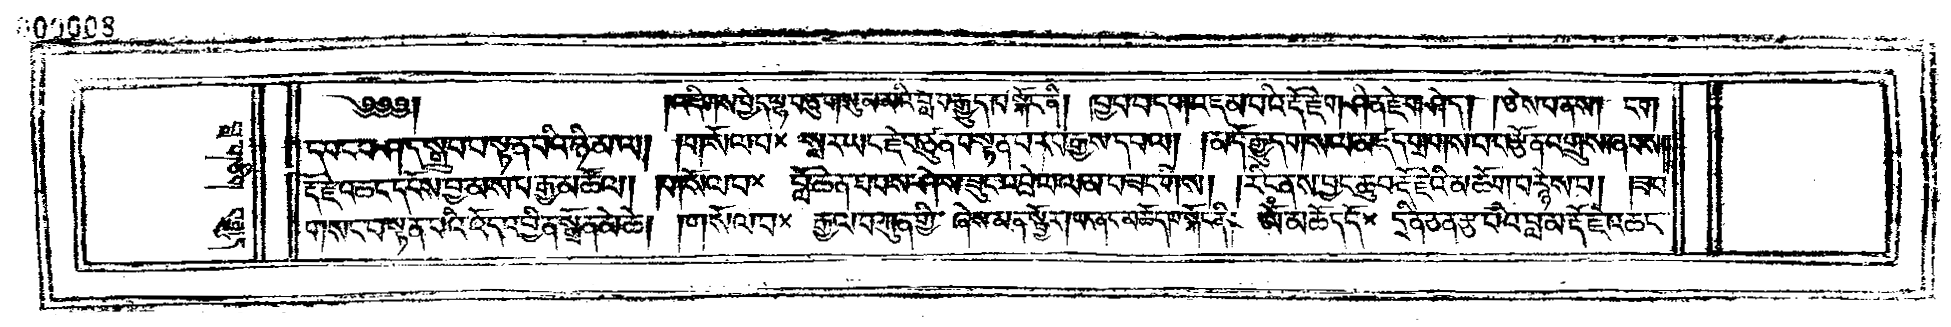༄༅༅། །འཇིགས་བྱེད་ལྷ་བཅུ་གསུམ་མའི་བླ་བརྒྱུད་ཁ་སྐོང་ནི། ཁྱབ་བདག་འཇམ་པའི་རྡོ་རྗེ་གཤིན་རྗེ་གཤེད། །ཅེས་པ་ནས། ངག་
དབང་བཤད་སྒྲུབ་བསྟན་པའི་ཉི་མ་ལ། །གསོལ་བ྾་སླར་ཡང་རྗེ་བཙུན་བསྟན་པ་རབ་རྒྱས་དཔལ། །མདོ་རྒྱུད་གསལ་མཛད་གྲགས་པ་བརྩོན་འགྲུས་ཞབས།།
རྡོ་རྗེ་འཆང་དངོས་བྱམས་པ་རྒྱ་མཚོ་ལ། །གསོལ་བ྾་བློ་ཆེན་ཐབས་ཤེས་ཟུང་འབྲེལ་ལམ་བཟང་གིས། །རིང་ནས་བྱང་ཆུབ་རྡོ་རྗེའི་མཆོག་བརྙེས་པ། །ཟབ་
གསང་བསྟན་པའི་འོད་འབྱིན་སྒྲོན་མེ་ཆེ། །གསོལ་བ྾་རྒྱལ་བ་ཀུན་གྱི་ཞེས་མན་སྦྱོར། ཡང་ནང་མཆོད་ཁ་སྐོང་ནི།  ཨོཾ་མཆོད་དོ྾་དྲིན་ཅན་རྩ་བའི་བླ་མ་རྡོ་རྗེ་འཆང་